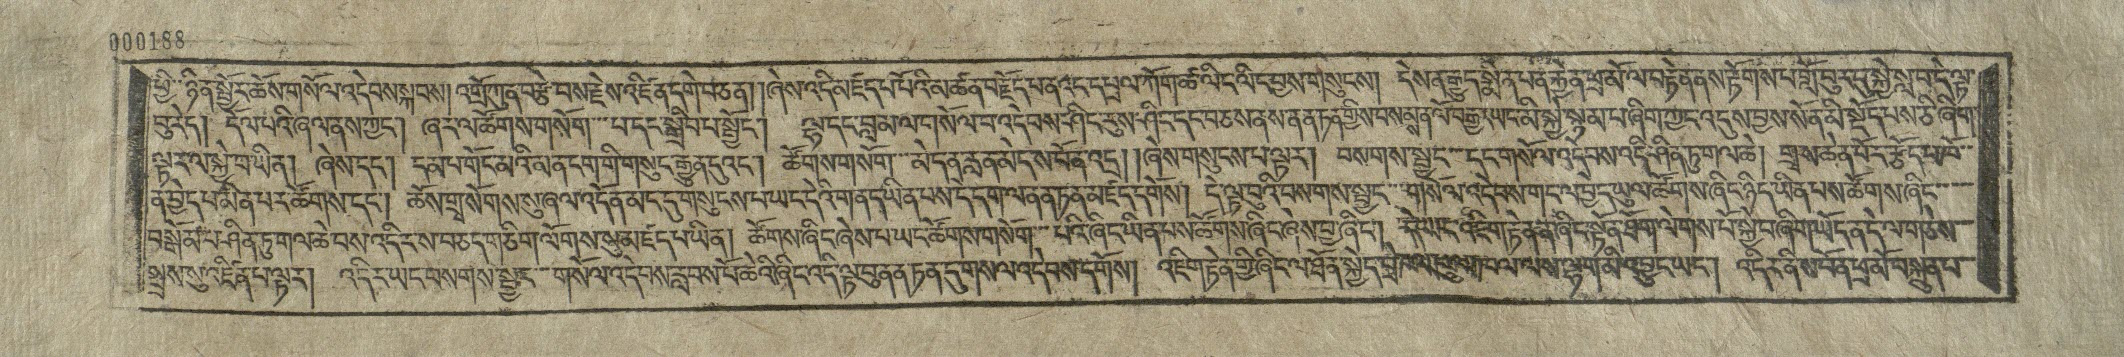ཕྱི་ཉིན་སྦྱོར་ཆོས་གསོལ་འདེབས་སྐབས། འགྲོ་ཀུན་བརྩེ་བས་རྗེས་འཛིན་དགེ་བ་ཅན། །ཞེས་འདི་མཛད་པ་པོའི་མཚན་བརྗོད་པ་ནའང་དཔྲལ་ཀོག་ཚ་ལིང་ལིང་བྱས་གསུངས། དེས་ན་རྒྱུད་སྨིན་པ་ན་རྐྱེན་ཕྲ་མོ་ལ་བརྟེན་ནས་རྟོགས་པ་གློ་བུར་དུ་སྐྱེ་སླ་བ་དེ་ལྟ་
བུ་རེད། དོལ་པའི་ཞལ་ནས་ཀྱང་། ཞར་ལ་ཚོགས་གསོག་པ་དང་སྒྲིབ་པ་སྦྱོང་། ལྷ་དང་བླ་མ་ལ་གསོལ་བ་འདེབས་ཤིང་རུས་ཤིང་དང་བཅས་ནས་ནན་ཏན་གྱིས་བསམས་ན་ལོ་བརྒྱར་ཡང་མི་སྐྱེ་སྙམ་པ་ཞིག་ཀྱང་འདུས་བྱས་སོ་ན་མི་སྡོད་པས་ཅི་ཞིག་
ལྟར་ལ་སྐྱེ་བ་ཡིན། ཞེས་དང་། དམ་པ་གོང་མའི་མན་ངག་གི་གསུང་རྒྱུན་དུའང་། ཚོགས་གསོག་མེད་ན་རླན་མེད་ས་བོན་འདྲ། །ཞེས་གསུངས་པ་ལྟར། བསགས་སྦྱང་དང་གསོལ་འདེབས་འདི་ཤིན་ཏུ་གལ་ཆེ། གྲྭ་ས་ཆེན་པོར་རྩོད་པ་ཁོ་
ན་བྱེད་པ་མིན་པར་ཚོགས་དང་། ཆོས་གྲྭ་སོགས་སུ་ཞལ་འདོན་མང་དུ་གསུངས་པ་ཡང་དེའི་གནད་ཡིན་པས་དེ་དག་ལ་ནན་ཏན་མཛད་དགོས། དེ་ལྟ་བུའི་བསགས་སྦྱང་གསོལ་འདེབས་གང་ལ་བྱེད་ཡུལ་ཚོགས་ཞིང་ཉིད་ཡིན་པས་ཚོགས་ཞིང་
བསྒོམ་པ་ཤིན་ཏུ་གལ་ཆེ་བས་འདིར་ས་བཅད་གཅིག་ལོགས་སུ་མཛད་པ་ཡིན། ཚོགས་ཞིང་ཞེས་པ་ཡང་ཚོགས་གསོག་པའི་ཞིང་ཡིན་པས་ཚོགས་ཞིང་ཞེས་བྱ་ཞིང་། དེ་ཡང་འཇིག་རྟེན་ན་ཞིང་སྟོན་ཐོག་ལེགས་པོ་སྐྱེ་བ་ཞིག་ཡོད་ན་དེ་ལ་གཅེས་
སྤྲས་སུ་འཛིན་པ་ལྟར། འདིར་ཡང་བསགས་སྦྱང་གསོལ་འདེབས་རླབས་པོ་ཆེའི་ཞིང་འདི་ལྟ་བུ་ནན་ཏན་དུ་གསལ་འདེབས་དགོས། འཇིག་རྟེན་གྱི་ཞིང་ལ་ཐོན་སྐྱེད་བྲེ་ཁལ་ཕུལ་ཁལ་ལས་ལྷག་མི་འབྱུང་ཡང་། འདིར་ནི་ས་བོན་ཕྲ་མོ་བསྐྲུན་པ་